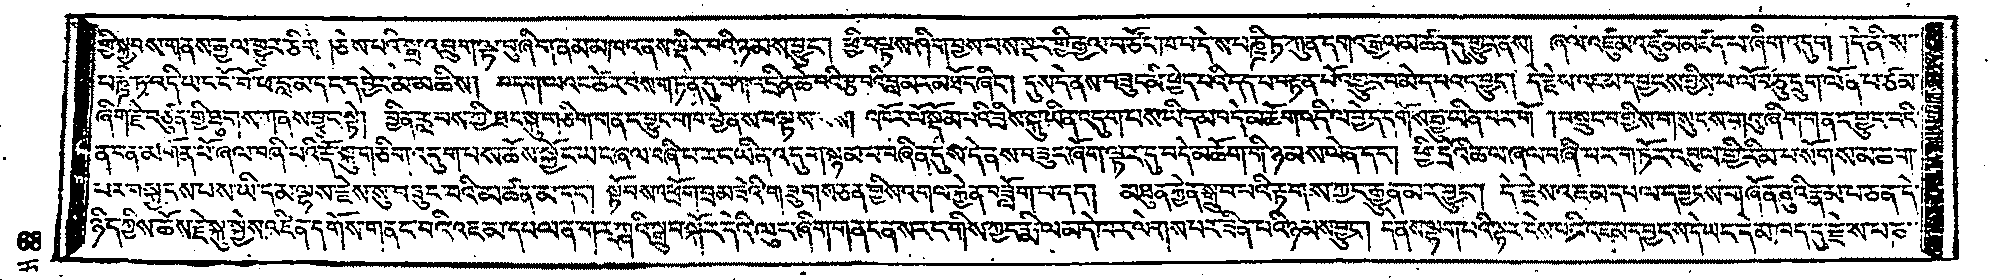གྱི་སྐྱབས་གནས་རྒྱལ་གྱུར་ཅིག །ཅེས་པའི་སྒྲ་འབྲུག་ལྟ་བུ་ཞིག་ནམ་མཁའ་ནས་ལྡིར་བའི་ཉམས་བྱུང་། ཕྱི་བལྟས་ཤིག་བྱས་པས་སྔར་གྱི་རྒྱལ་བ་ཙོང་ཁ་པ་དེ་ས་པཎྜི་ཏ་ཀུན་དགའ་རྒྱལ་མཚན་དུ་གྱུར་ནས། ཞལ་འཛུམ་འཛུམ་མཛད་པ་ཞིག་འདུག །དེ་ནི་ས་
པཎྜི་ཏ་འདི་ཡང་ངོ་བོ་ཕ་བླ་མ་དང་དབྱེར་མ་མཆིས། བདག་ལའང་ཚེ་རབས་གཏན་དུ་བཀའ་དྲིན་ཆེ་བའི་རྩ་བའི་བླ་མར་མཐོང་ཞིང་། དུས་དེ་ནས་བཟུང་མི་ཕྱེད་པའི་དད་པ་བརྟན་པོ་འགྱུར་བ་མེད་པའང་བྱུང་། དེ་རྗེས་འཇམ་དབྱངས་བྱིས་པ་ལོ་བཅུ་དྲུག་ལོན་པ་ཙམ་
ཞིག་རྗེ་བཙུན་གྱི་ཐུགས་ཀ་ནས་བྱུང་སྟེ། བྱིན་རླབས་ཀྱི་ཐང་སྐུ་གཅིག་གནང་བྱུང་བ་ཁ་ཕྱེ་ནས་བལྟས་པས། འཁོར་ལོ་སྡོམ་པའི་བྲིས་སྐུ་ཡིན་འདུག་པས་ཡི་དམ་བདེ་མཆོག་འདི་ལ་བྱེད་དགོས་རྒྱུ་ཡིན་པར་གོ །བསྲུང་བ་གྱིས་གསུངས་གའུ་ཞིག་གནང་བྱུང་བའི་
ནང་ན་མགོན་པོ་ཞལ་བཞི་པའི་རྡོ་སྐུ་གཅིག་འདུག་པས་ཆོས་སྐྱོང་ཡང་ཞལ་བཞི་པ་རང་ཡིན་འདུག་སྙམ་པ་བཞིན་དུས་དེ་ནས་བཟུང་ཞོག་ལྟར་དུ་བདེ་མཆོག་གི་ཉམས་ལེན་དང་། ཕྱི་དྲོའི་ཆ་ལ་ཞལ་བཞི་པར་གཏོར་འབུལ་གྱི་རིམ་པ་སོགས་མ་ཆག་
པར་བསྐྱངས་པས་ཡི་དམ་ལྷས་རྗེས་སུ་བཟུང་བའི་མཚན་མ་དང་། སྟོབས་འཕྲོག་བྲམ་ཟེའི་གཟུགས་ཅན་གྱིས་འགལ་རྐྱེན་བཟློག་པ་དང་། མཐུན་རྐྱེན་སྒྲུབ་པའི་རྟགས་ཀྱང་རྒྱུན་མར་བྱུང་། དེ་རྗེས་འཇམ་དཔལ་དབྱངས་གཞོན་ནུའི་རྣམ་པ་ཅན་དེ་
ཉིད་ཀྱིས་ཆོས་རྗེ་སྐུ་སྐྱེས་འཛིན་དགོས་གནང་བའི་འཇམ་དཔལ་ན་ག་རཀྵའི་སྒྲུབ་སྐོར་དེའི་ལུང་ཞིག་གནང་ནས་རང་གིས་ཀྱང་རྨི་ལམ་དེ་ཁར་ལེགས་པར་ཟིན་པའི་ཉམས་བྱུང་། དེ་ནས་ལྷག་པའི་ལྷར་ངེས་པའི་འཇམ་དབྱངས་དེ་ཡང་དེ་མ་ཁད་དུ་རྗེ་ས་པཎ་